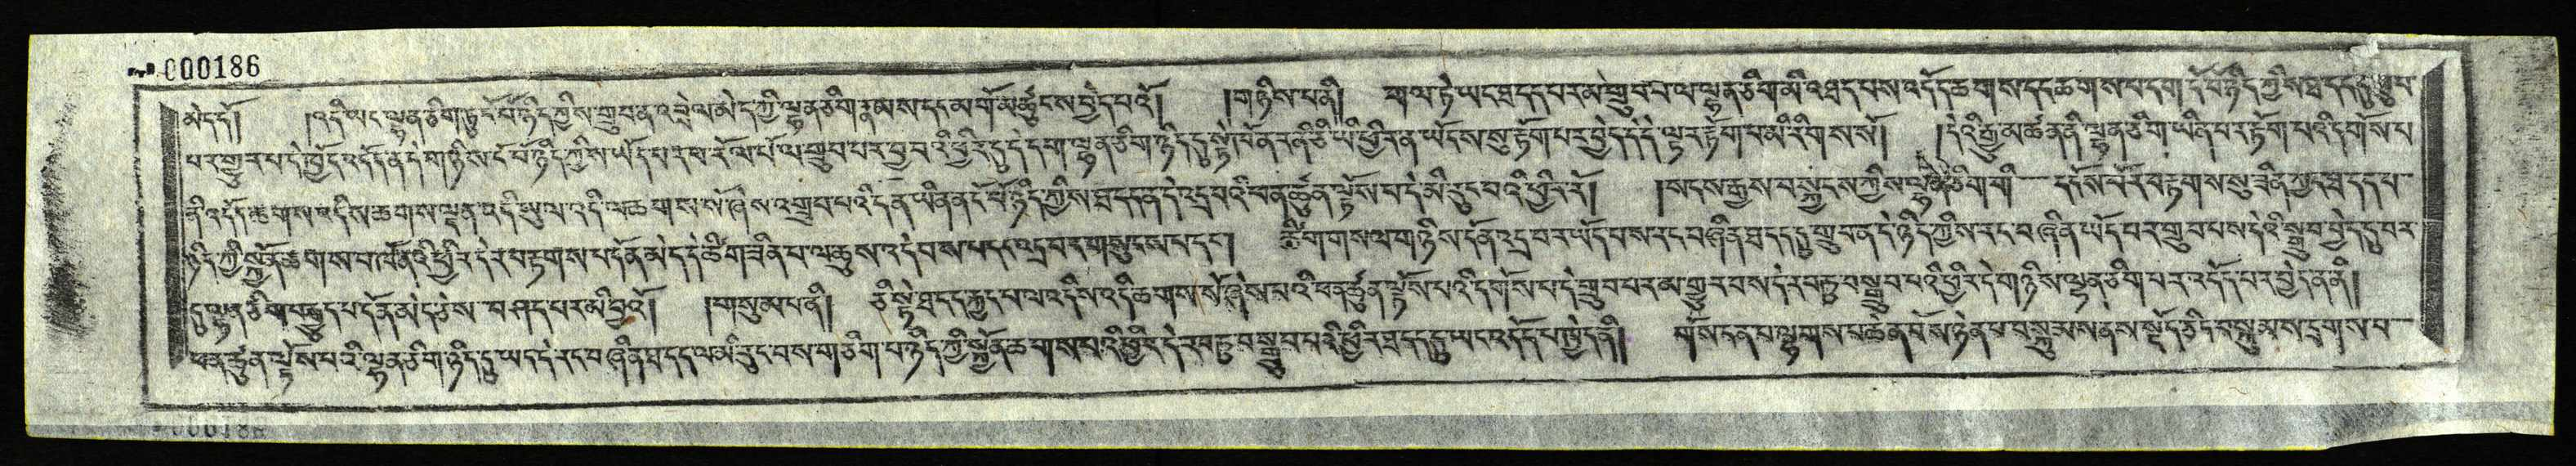མེད་དོ། །འདི་ཡང་ལྷན་ཅིག་ཏུ་ངོ་བོ་ཉིད་ཀྱིས་གྲུབ་ན་འབྲེལ་མེད་ཀྱི་ལྷན་ཅིག་རྣམས་དང་མགོ་མཚུངས་བྱེད་པའོ། །གཉིས་པ་ནི། གལ་ཏེ་ཡང་ཐ་དད་པར་མ་གྲུབ་པ་ལ་ལྷན་ཅིག་མི་འཐད་པས་འདོད་ཆགས་དང་ཆགས་པ་དག་ངོ་བོ་ཉིད་ཀྱིས་ཐ་དད་དུ་སྒྲུབ་
པར་གྱུར་པ་དེ་ཁྱོད་འདོད་ན་དེ་གཉིས་ངོ་བོ་ཉིད་ཀྱིས་ཡོད་པར་ཕ་རོལ་པོ་ལ་གྲུབ་པར་བྱ་བའི་ཕྱིར་དུ་དེ་དག་ལྷན་ཅིག་ཉིད་དུ་སྟེ་ཁོ་ནར་ནི་ཅི་ཡི་ཕྱིར་ན་ཡོངས་སུ་རྟོགས་པར་བྱེད་དེ་དེ་ལྟར་རྟོག་པ་མི་རིགས་སོ། །དེའི་རྒྱུ་མཚན་ནི་ལྷན་ཅིག་ཡིན་པར་རྟོག་པའི་དགོས་པ་
ནི་འདོད་ཆགས་འདིས་ཆགས་ལྡན་འདི་ཡུལ་འདི་ལ་ཆགས་སོ་ཞེས་འགྲུབ་པའི་དོན་ཡིན་ན་ངོ་བོ་ཉིད་ཀྱིས་ཐ་དད་ན་དེ་འདྲ་བའི་ཕན་ཚུན་ལྟོས་པ་དེ་མི་རུང་བའི་ཕྱིར་རོ། །སངས་རྒྱས་བསྐྱངས་ཀྱིས་ལྷན་ཅིག་གི་དངོས་པོར་བརྟགས་སུ་ཟིན་ཀྱང་ཐ་དད་པ་
ཉིད་ཀྱི་སྐྱོན་ཆགས་པ་ཁོ་ནའི་ཕྱིར་དེར་བརྟགས་པ་དོན་མེད་དེ་ཚིག་ཟིན་པ་ལ་ཆུས་འདེབས་པ་དང་འདྲ་བར་གསུངས་པ་དང་། ཚིག་གསལ་གཉིས་དོན་འདྲ་བར་ཡོད་པས་རང་བཞིན་ཐ་དད་དུ་གྲུབ་ན་དེ་ཉིད་ཀྱིས་རང་བཞིན་ཡོད་པར་གྲུབ་པས་དེའི་སྒྲུབ་བྱེད་དུ་བར་
དུ་ལྷན་ཅིག་བརྒྱུད་པ་དོན་མེད་ཅེས་བཤད་པར་མི་བྱའོ། །གསུམ་པ་ནི། ཅི་སྟེ་ཐ་དད་རྐྱང་པ་ལ་འདིས་འདི་ཆགས་སོ་ཞེས་པའི་ཕན་ཚུན་ལྟོས་པའི་དགོས་པ་དེ་གྲུབ་པར་མ་གྱུར་པས་དེ་རབ་ཏུ་བསྒྲུབ་པའི་ཕྱིར་དེ་གཉིས་ལྷན་ཅིག་པར་འདོད་པར་བྱེད་ན་ནི།
ཕན་ཚུན་ལྟོས་པའི་ལྷན་ཅིག་ཉིད་དུ་ཡང་དེ་རང་བཞིན་ཐ་དད་ལ་མི་རུང་བས་གཅིག་པ་ཉིད་ཀྱི་སྐྱོན་ཆགས་པའི་ཕྱིར་དེ་རབ་ཏུ་བསྒྲུབ་པའི་ཕྱིར་ཐ་དད་དུ་ཡང་འདོད་པ་ཁྱེད་ནི། གོས་ངན་པ་ལྷགས་པ་ཚན་བོས་ཉེན་པ་བསྐུམས་ནས་སྡོད་ཅིང་བསྐུམས་དྲག་བ་